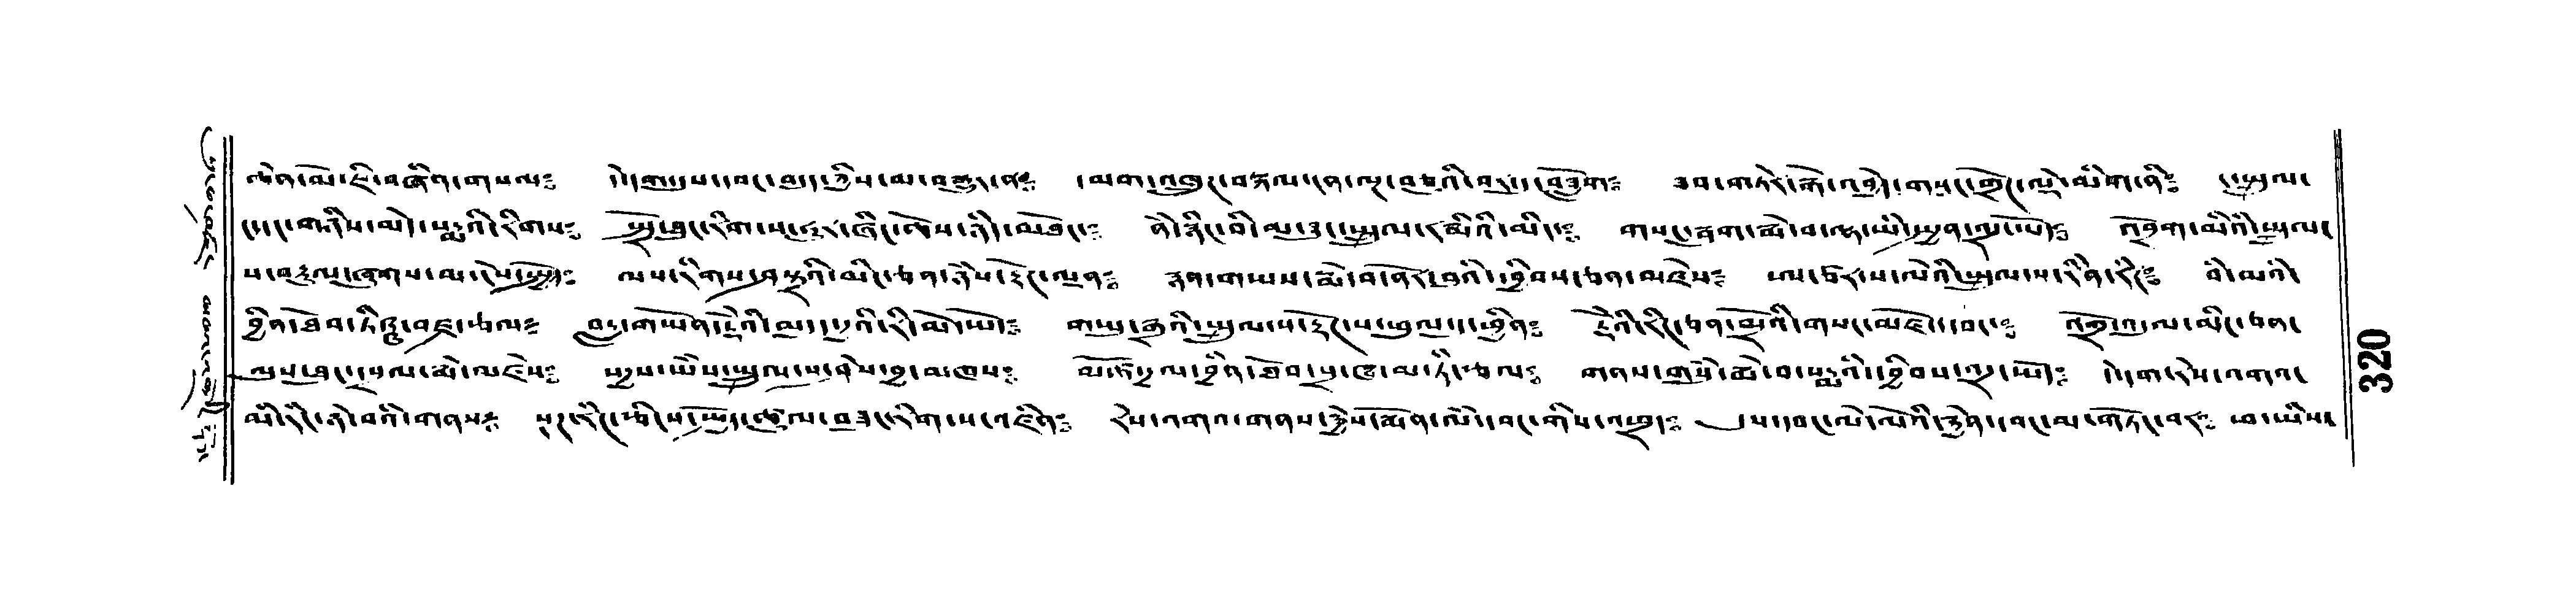ཆེན་མོ་ཇི་བཞིན་གསལ༔ དེ་དག་དུས་དབང་བདུད་ཀྱིས་མ་བསྒྱུར་ན༔དམག་འཁྲུགས་བསྐལ་ངན་ལྔ་བཅུའི་བར་དུ་བཟློག༔ ཟབ་གཏེར་སྒོ་འབྱེད་གསང་གྲོགས་ལྡེ་མིག་ནི༔ ང་སྤྲུལ་
ང་དང་གཉིས་མེད་པདྨའི་རིགས༔ སྤྲོ་ཐུང་རིག་པ་ཧུར་ཞིང་ཆོས་ཉིད་མཐོང༔ ནམ་སྙིང་བི་མ་ཟུང་སྤྲུལ་རསྨིའི་མིང༔ གསང་སྦུག་སྨེ་བ་ལྷ་ཡི་སྤྱན་འདྲ་ཡོད༔ འབྲོག་མིའི་སྤྲུལ་
པ་བརྟུལ་ཞུགས་མ་ངེས་སྤྱོད༔ ལས་རིགས་ཤསྟྲའི་མིང་ཅན་ཉམས་རྟོགས་ལྡན༔ སྙན་གཡས་སྨེ་བ་ནོར་བུའི་དབྱིབས་ཅན་མཛེས༔ ཨ་ཙར་ས་ལེའི་སྤྲུལ་པ་རིན་ཆེན་རིགས༔ བི་མའི་
བྱིན་ཐོབ་ཏིཥྛ་བཛྲ་རྩལ༔ བརླ་གཡོན་རྡོ་རྗེའི་མདུད་རྒྱའི་རི་མོ་ཡོད༔ གཡུ་སྒྲའི་སྤྲུལ་པ་རྟོགས་པ་ཕུལ་དུ་ཕྱིན༔ རྡོ་རྗེའི་རིགས་ཅན་མཁའ་འགྲོའི་གསང་མཛོད་དབང༔ འགྲོ་འདུལ་མིང་ཅན་
ལུས་ཐུང་དཔྲལ་སྨེ་མཛེས༔ སངས་རྒྱས་ཡེ་ཤེས་སྤྲུལ་པ་ཤེས་བྱ་མཁས༔ མཚོ་རྒྱལ་བྱིན་ཐོབ་པྲ་ཝ་མ་ཏི་རྩལ༔ གནས་གསུམ་སྨེ་བ་པདྨའི་དབྱིབས་འདྲ་ཡོད༔ དེ་དག་རེས་འགའ་
མི་རིང་ཉེ་བའི་གནས༔ སྔགས་རིགས་རྩིང་སྤྱོད་ཚུལ་བཟུང་རིག་པ་འཛིན༔ རེས་འགའ་གནས་སྐྱེས་སྨོན་ལམ་དབང་གིས་འཕྲད༔ དུས་དབང་ལེ་ལོའི་རྐྱེན་དབང་མ་གཏོང་བར༔ ཕ་ཡིས་